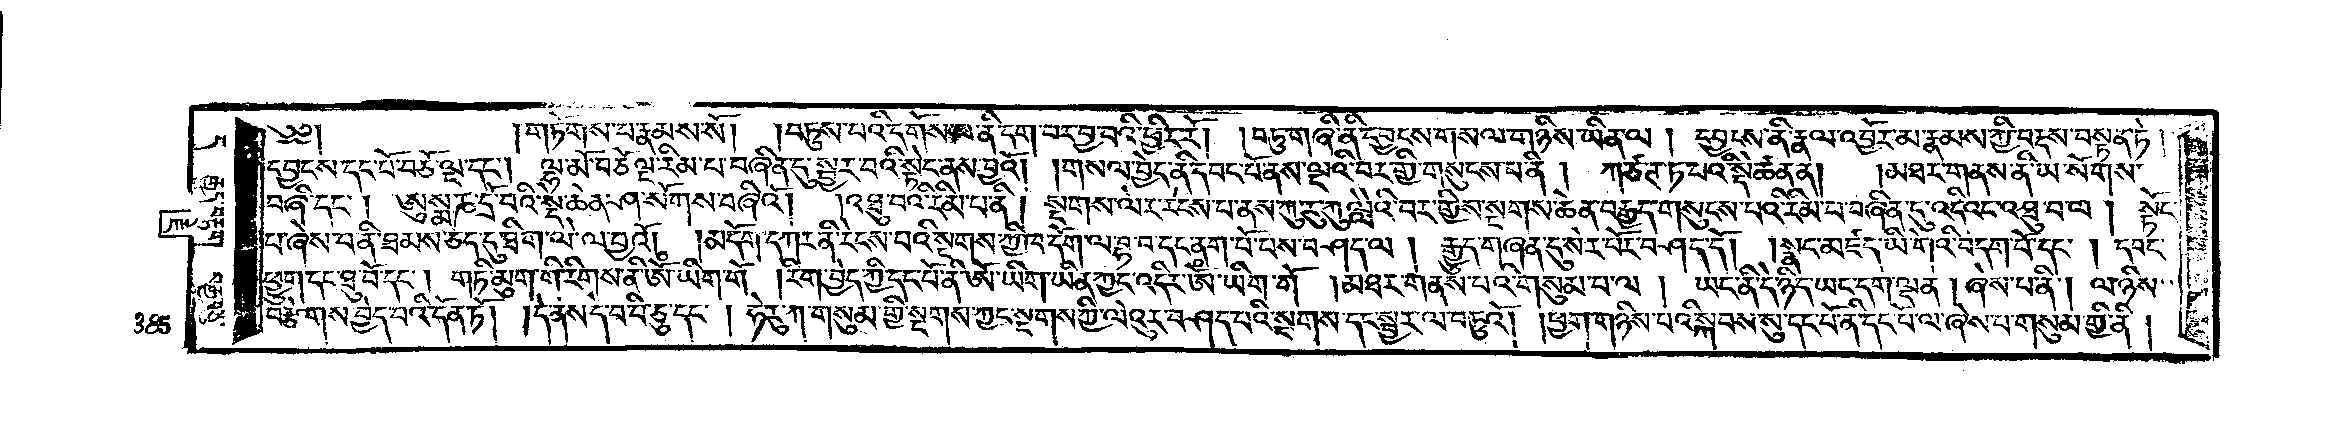༄༅། །གཏོགས་པ་རྣམས་སོ། །བཏུས་པའི་དགོས་པ་ནི་དག་པར་བྱ་བའི་ཕྱིར་རོ། །བཏུ་གཞི་ནི་དབྱངས་གསལ་གཉིས་ཡིན་ལ། དབྱངས་ནི་རྣལ་འབྱོར་མ་རྣམས་ཀྱི་བརྡས་བསྟན་ཏེ།
དབྱངས་དང་པོ་བཅོ་ལྔ་དང་། ལྷ་མོ་བཅོ་ལྔ་རིམ་པ་བཞིན་དུ་སྦྱར་བའི་སྟེང་ནས་བྱའོ། །གསལ་བྱེད་ནི་དབང་པོ་ནས་ལྔའི་བར་གྱི་གསུངས་པ་ནི། ཀ་ཙ་ཊ་ཏ་པའི་སྡེ་ཚན་ན། མཐར་གནས་ནི་ཡ་སོགས་
བཞི་དང་། ཨུསྨ་ཎ་དྲོ་བའི་སྡེ་ཆེན་ཤ་སོགས་བཞིའོ། །འཐུ་བའི་རིམ་པ་ནི། སྔགས་ལེར་རེངས་པ་ནས་ཀུ་རུ་ཀུ་ལླཻའི་བར་གྱིས་སྔགས་ཆེན་བརྒྱད་གསུངས་པའི་རིམ་པ་བཞིན་དུ་འདིའང་འཐུ་བ་ལ། སྟོང་
པ་ཞེས་པ་ནི་ཐམས་ཅད་དུ་ཐིག་ལེ་ལ་བྱའོ། །མདོག་དཀར་ནི་རེངས་པའི་སྔགས་ཀྱི་ཁ་དོག་ལ་བྷ་བ་དང་ནག་པོ་པས་བཤད་ལ། རྒྱུད་གཞན་དུ་སེར་པོར་བཤད་དོ། །སྣང་མཛད་ཡི་གེའི་བདག་པོ་དང་། དབང་
ཕྱུག་དང་ཐུ་བོ་དང་། གཏི་མུག་གི་རིགས་ནི་ཨོཾ་ཡིག་གོ །རིག་བྱེད་ཀྱི་དང་པོ་ནི་ཨོ་ཡིག་ཡིན་ཀྱང་འདིར་ཨོཾ་ཡིག་གོ །མཐར་གནས་པའི་གསུམ་པ་ལ། ཡང་ནི་དེ་ཉིད་ཡང་དག་ལྡན། ཞེས་པ་ནི། ལ་ཉིས་
བརྩེགས་བྱེད་པའི་དོན་ཏོ། །དེ་ནས་དེ་བ་བི་ཅུ་དང་། ཧེ་རུ་ཀ་གསུམ་གྱི་སྔགས་ཀྱང་སྔགས་ཀྱི་ལེའུར་བཤད་པའི་སྔགས་དང་སྦྱར་ལ་བཏུའོ། །ཕྱག་གཉིས་པའི་སྐབས་སུ་དང་པོ་ནི་དང་པོ་ལ་ཞེས་གསུམ་གྱི་ནི།